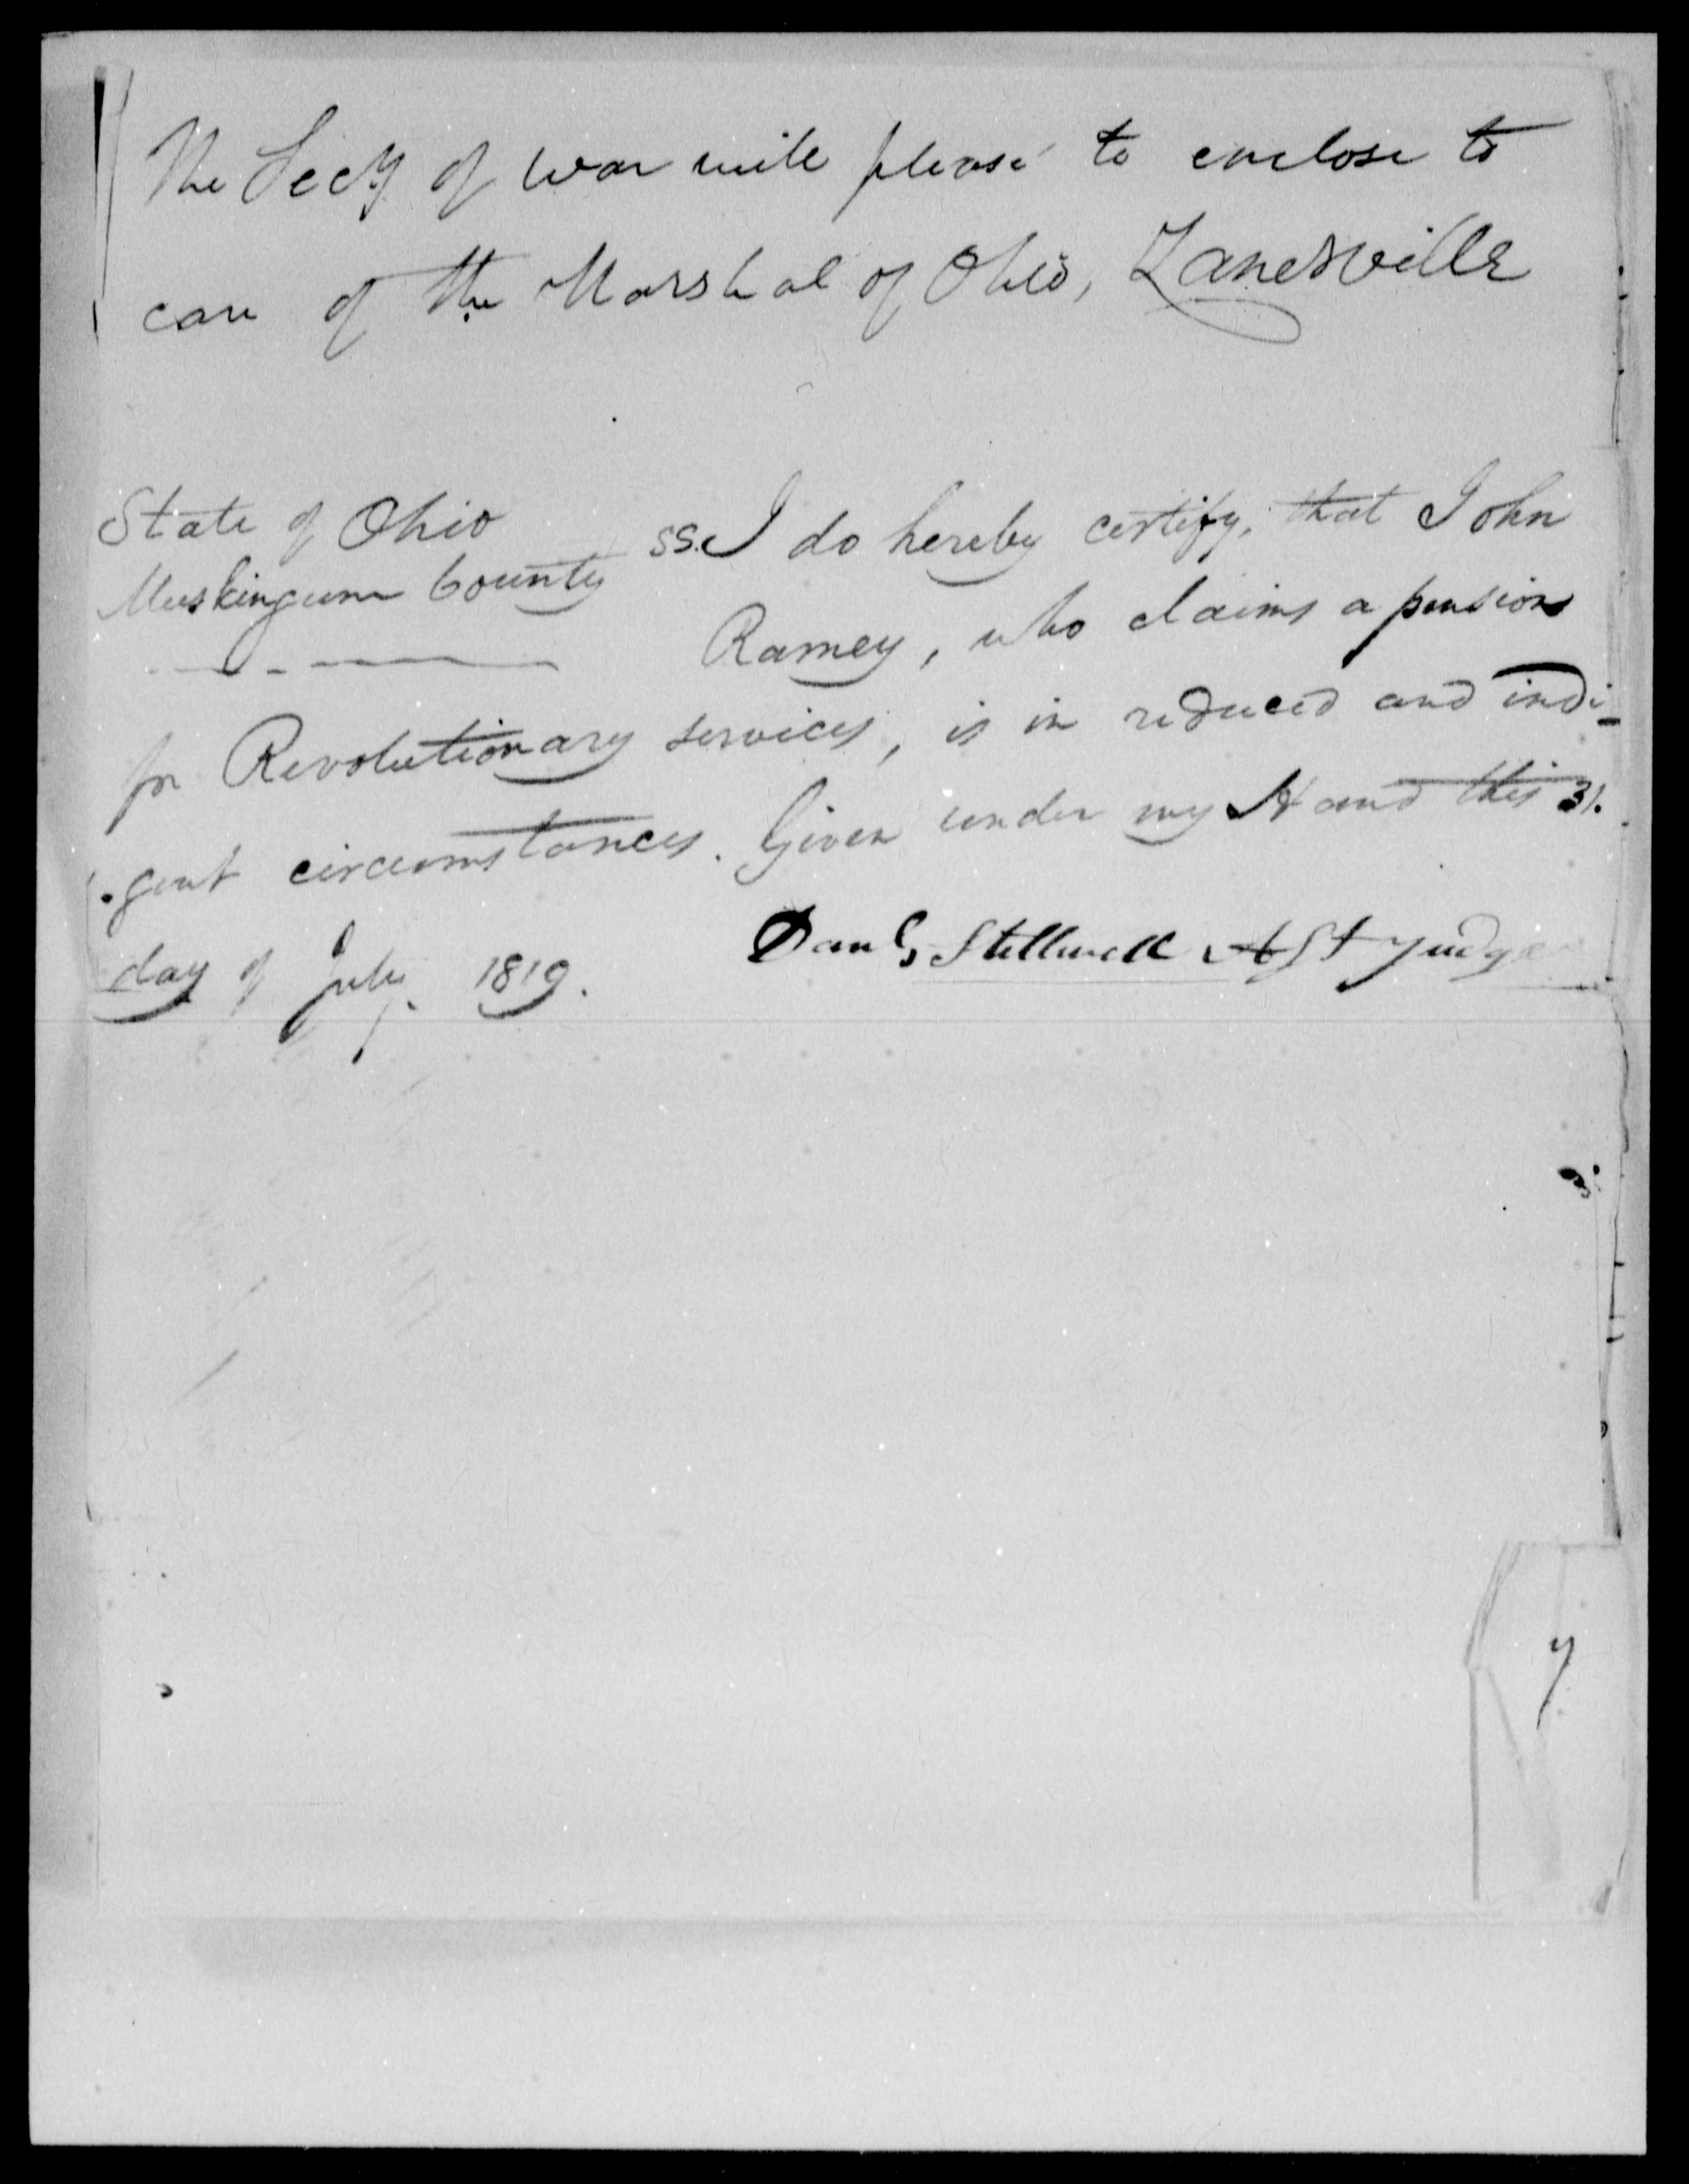The Secy. of War will please to enclose to care of the Marshal of Ohio, Zanesville

State of Ohio
Muskingum County SS. I do hereby certify, that John Ramey, who claims a pension for Revolutionary services, is in reduced and indigent circumstances. Given under my Hand this 31. day of July, 1819. Danl, Stillwell Ast Judge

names: Danl Stillwell; John Ramey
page: 8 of 84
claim: widow's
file: W.11104, for John Remay, Virginia